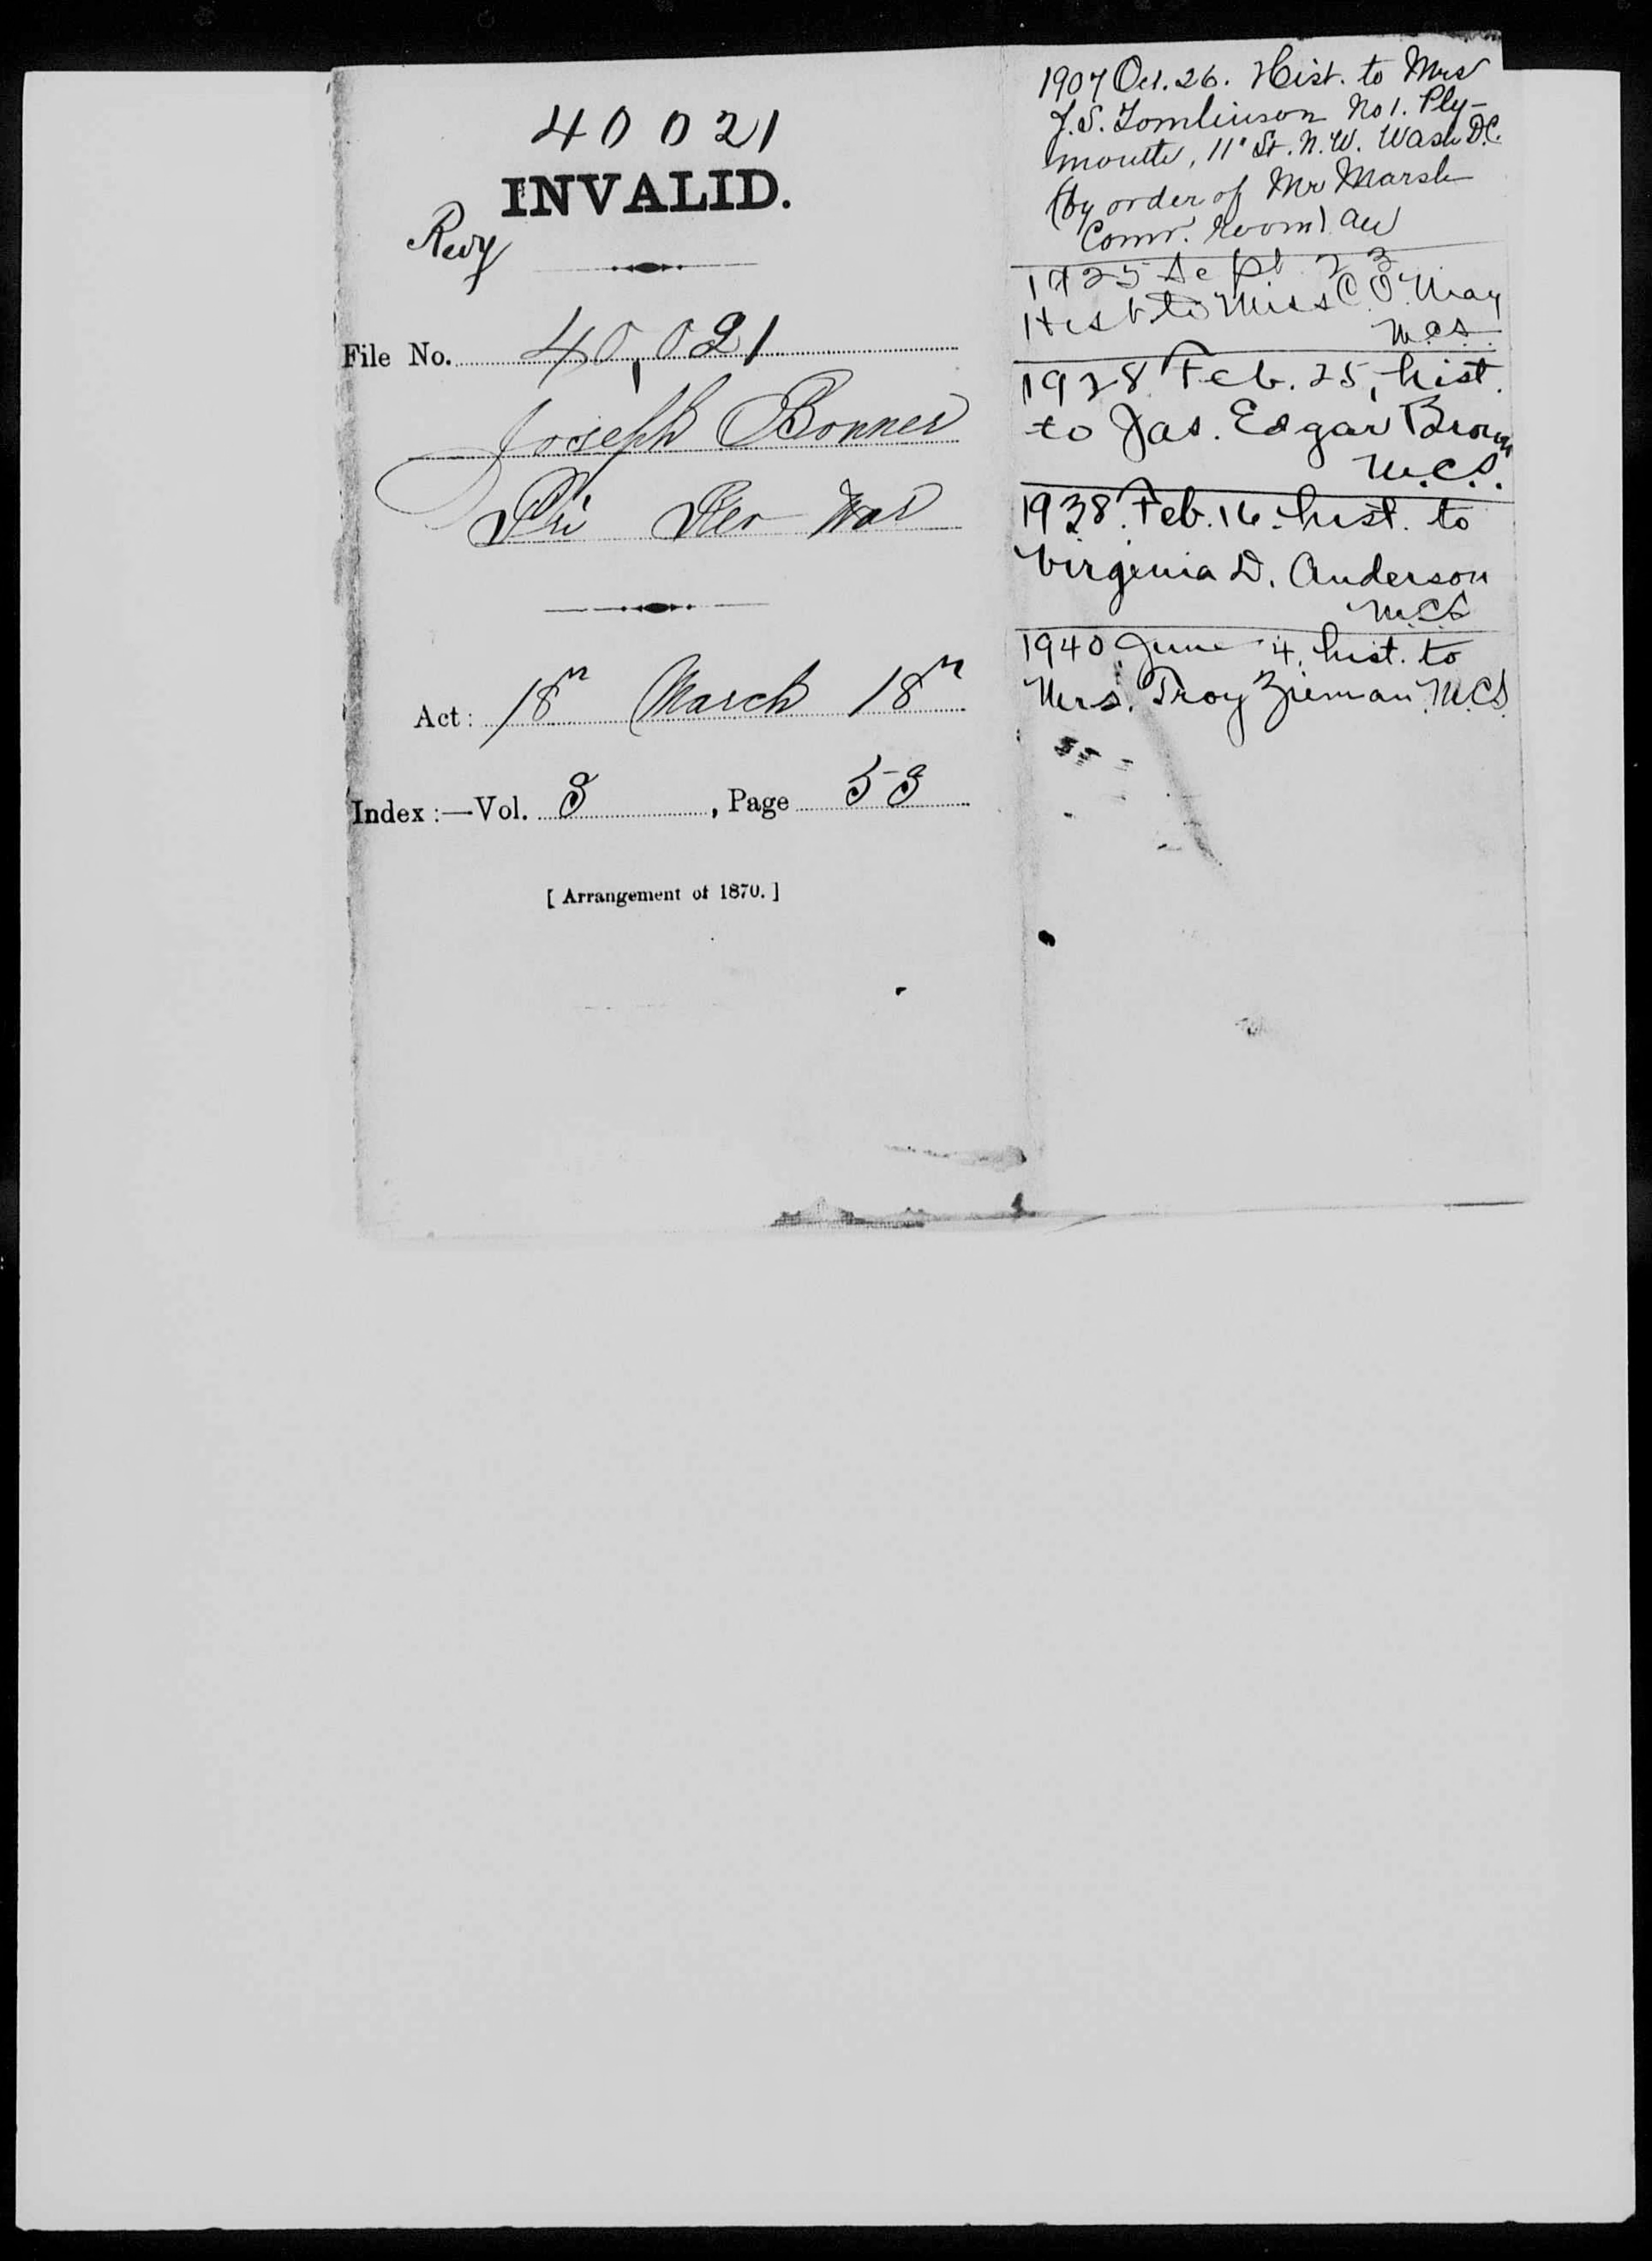(two sided unfolded document)
left side
40021
INVALID
Revy
File No. 40.021
Joseph Bonner
Pri Rev War

Act: 18th March 1818

Index:-Vol. S, page 53

[Arrangement of 1870]

right side
1907 Oct. 26. Hist. to Mrs. J. S. Tomlinson No. 1 Plymouth, 11th St. N.W. Wash. D.C. by order of Mr. March
Comr. room.  aw
___________________________________
1925 Sept 23
Hist to Miss C O May
MCS
_____________________________________
1928 Feb. 25, hist. to Jas. Edgar Brown
wcs
____________________________________
1938 Feb 16. hist to Virginia D. Anderson
MCS
______________________________________
1940 June 4, hist. to Mrs. Troy Zieman
MCS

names: C O May, Marsh, Jas Edgar Brown, Joseph Bonner, Troy Zieman, J S Tomlinson, Virginia D Anderson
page: 10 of 20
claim: survivor's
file: S. 40,021, Joseph Bonner, Penn.